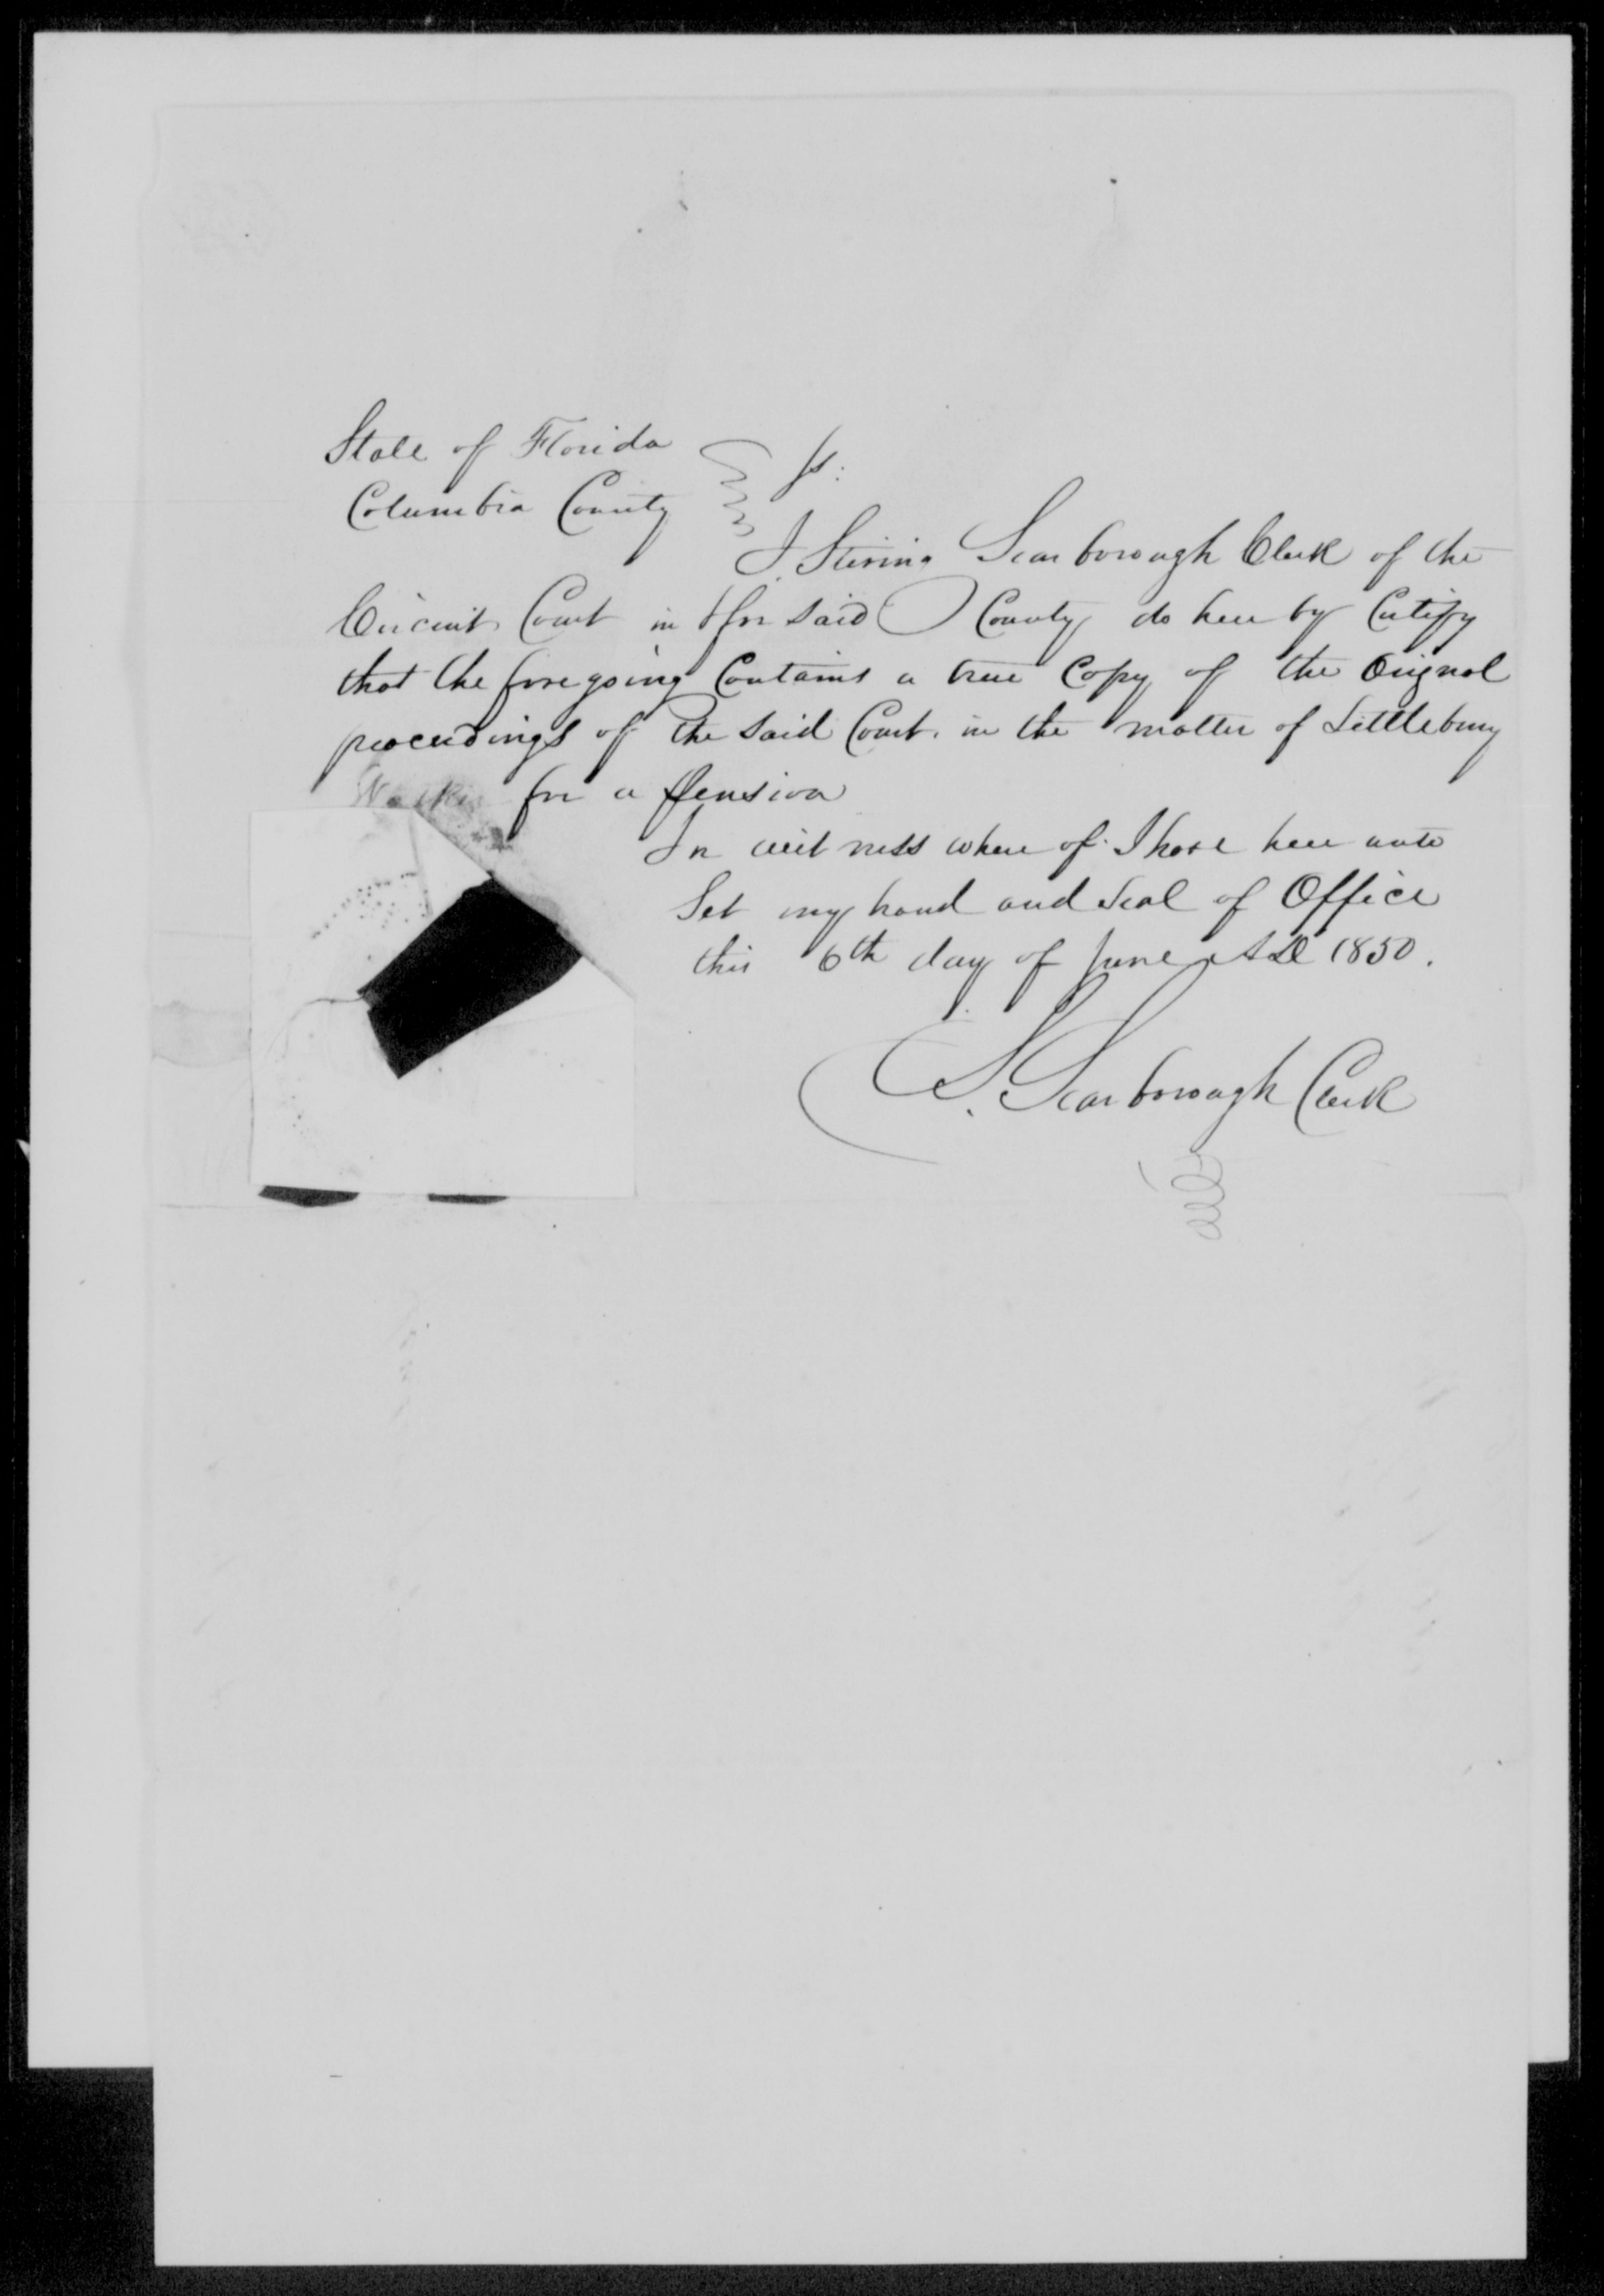State of Florida
Columbia County
I Sterling Scarborough Clerk of the Circuit Court in afor said County do hereby certify that the foregoing contains a true copy of the original procedings of the said Court in the matter of Littleberry Walker for a pension.
In witness where of I have here onto set my hand and seal of Office this 6th day of June AD 1850.
S.Scarborough Clerk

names: Littleberry Walker, Stering Scarborough, S Scarborough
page: 5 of 15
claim: rejected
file: R. 11045, Littleberry Walker, Ga.